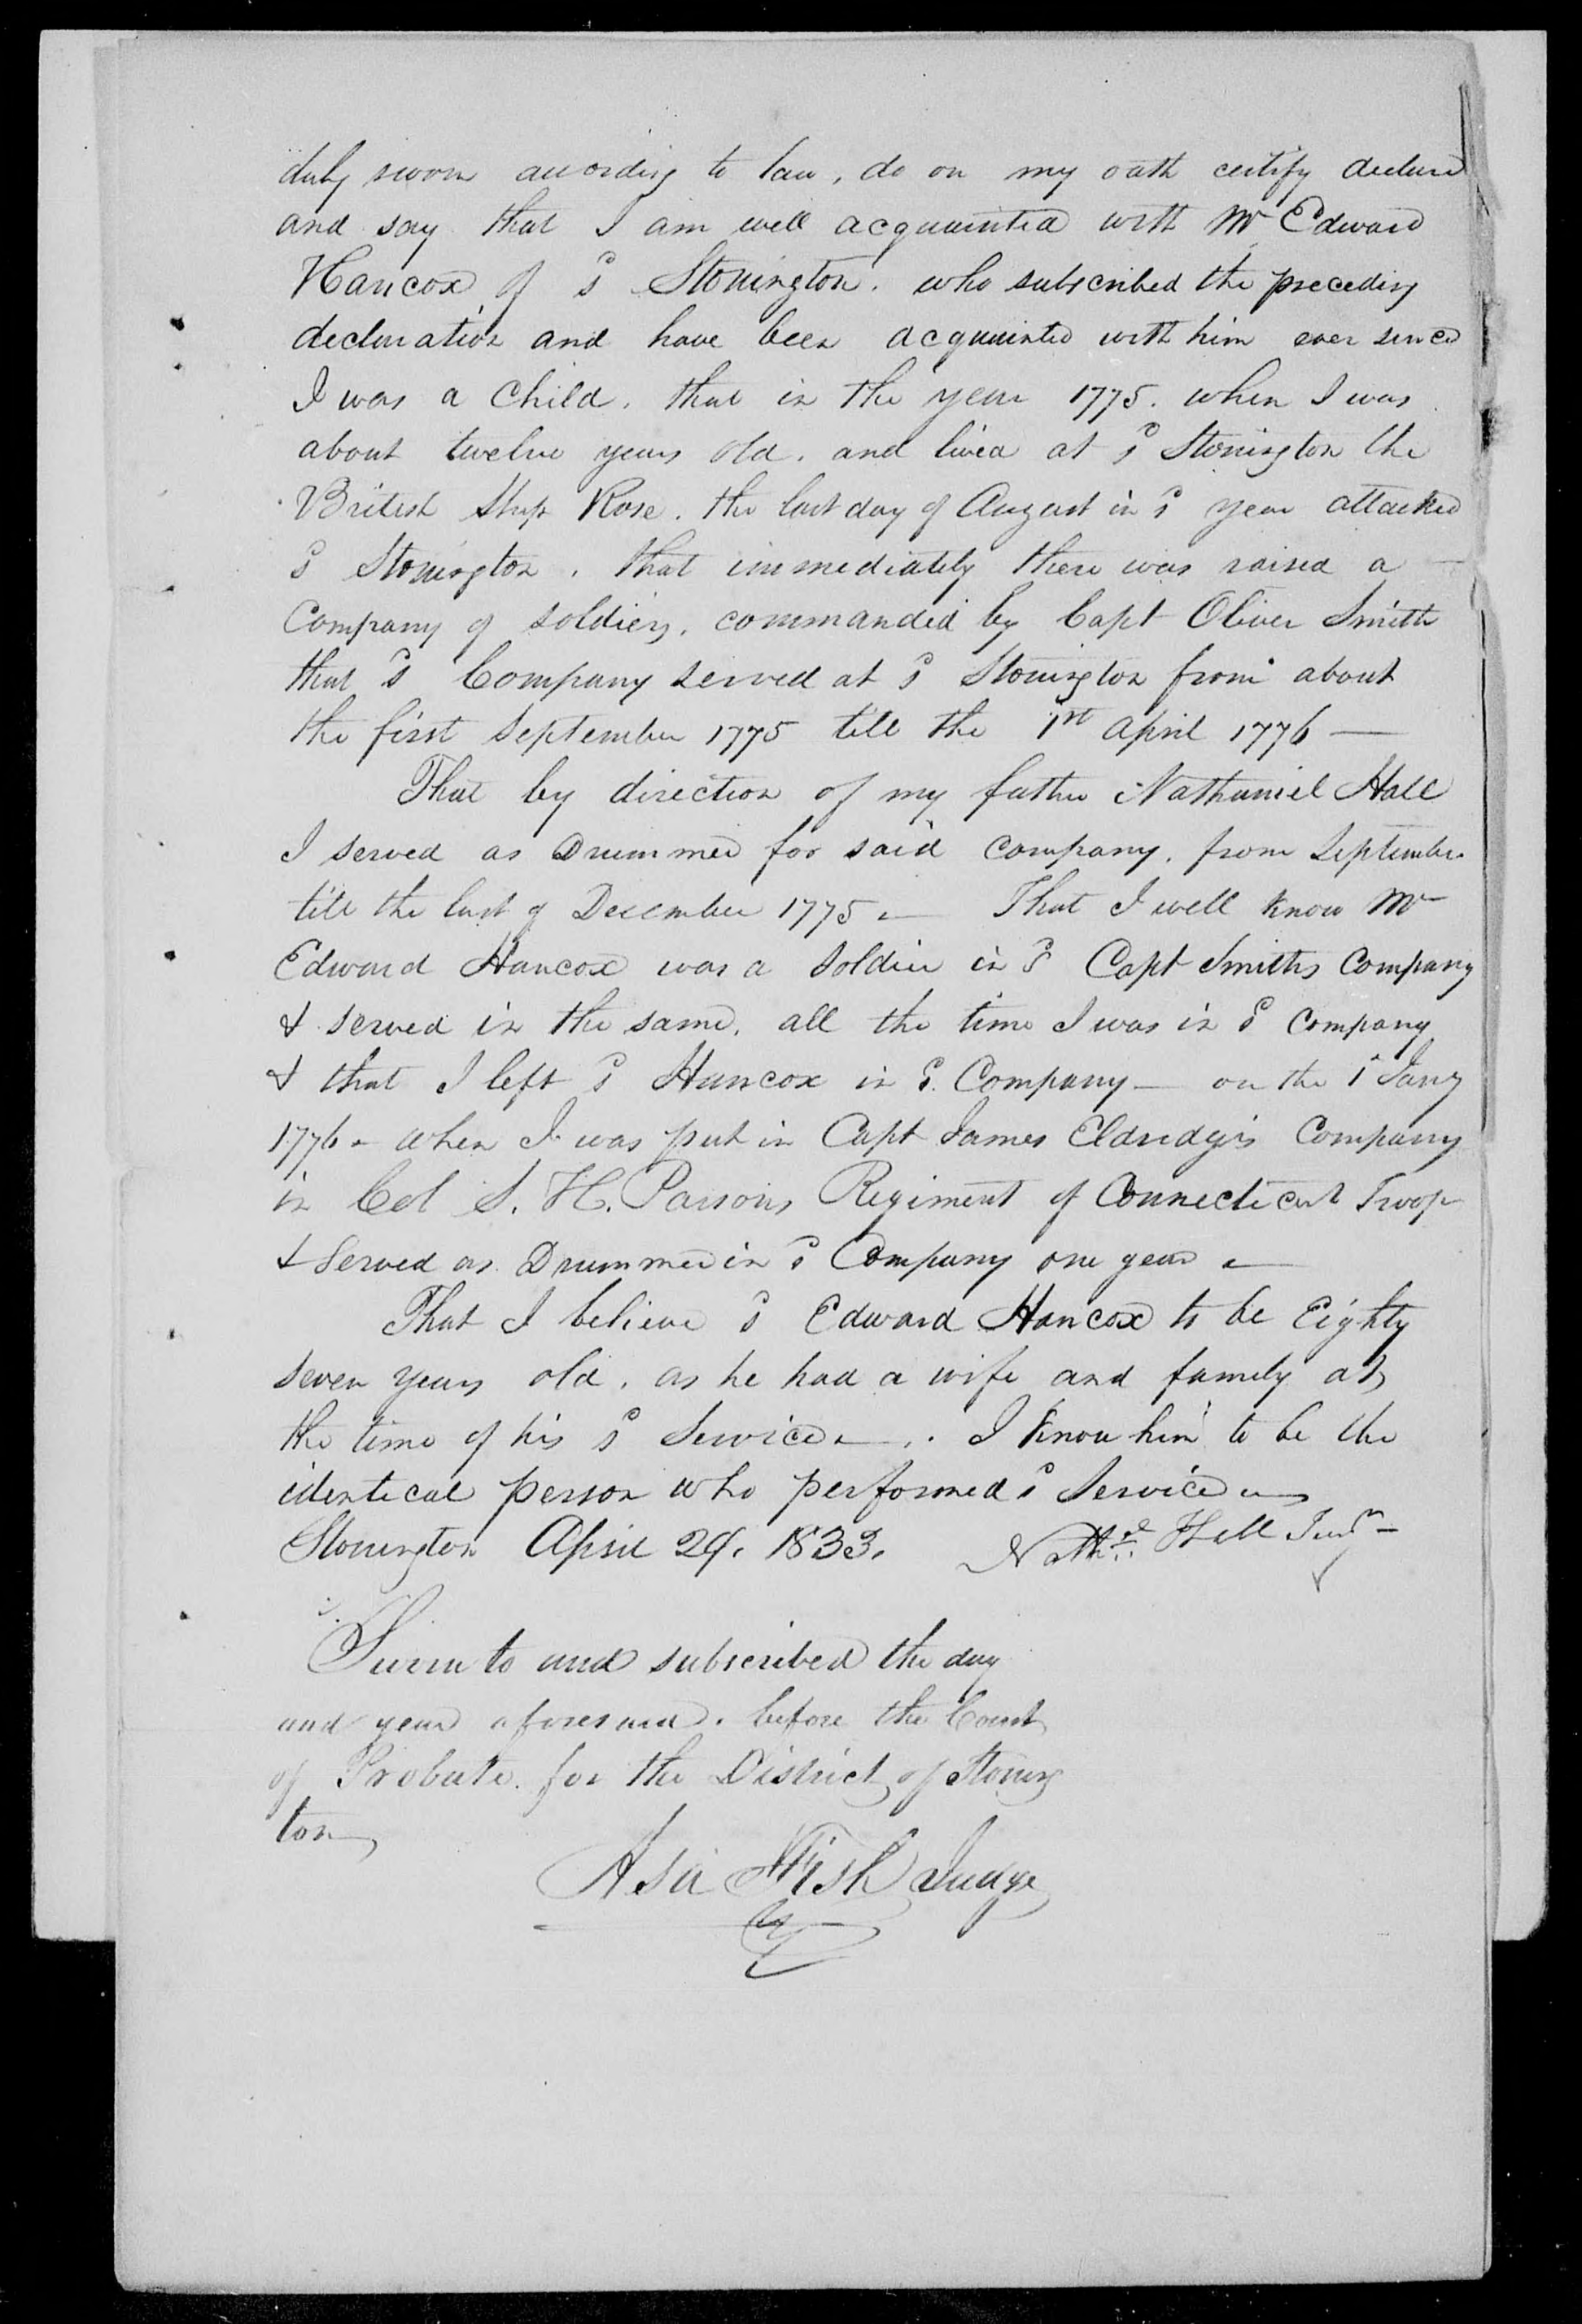duly sworn according to law, do on my oath certify declare and say that I am well acquainted with Mr Edward Hancox of sd Stonington, who subscribed the preceding declaration and have been acquainted with him ever since.  I was a child, that in the year 1775, when I was about twelve years old, and lived at sd Stonington the
British Ship Rose the last day of August in sd. year attacked sd. Stonington, that immediately there was raised a Company of soldiers, commanded by Capt Oliver Smith. That sd.
Company served at sd Stonington from about
the first September 1775 till the 1st April 1776-
That by direction of my father Nathaniel Hale
I served as Drummer for said Company from September till the last of December 1775. That I well know Mr Edward Hancox was a soldier in sd. Capt Smiths company & served in the same, all the time I was in sd. company & that I left sd Hancox in sd. Company, on the 1 Jany
1776, when I was put in Capt James Eldridges Company in Col S. H. Parsons Regiment of Connecticut Troop & served as Drummer in a Company one year.
That I believe sd Edward Hancox to be Eighty
seven years old, as he had a wife and family at
the time of his sd. Service. I know him to be the
identical person who performed sd. service
Stonington April 24, 1833.
Nathl Hale Junr

Sworn to and subscribed the day
and year aforesaid, before the Court
of Probate for the District of Stonington

Asa Fish Judge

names: Asa Fish, Edward Hancox, Edward Hancock, Nathl Hell, Hancox, Oliver Smith, Edward Hancox, Nathaniel Hall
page: 7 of 26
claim: survivor's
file: S. 16843, Edward Hancox, Conn.